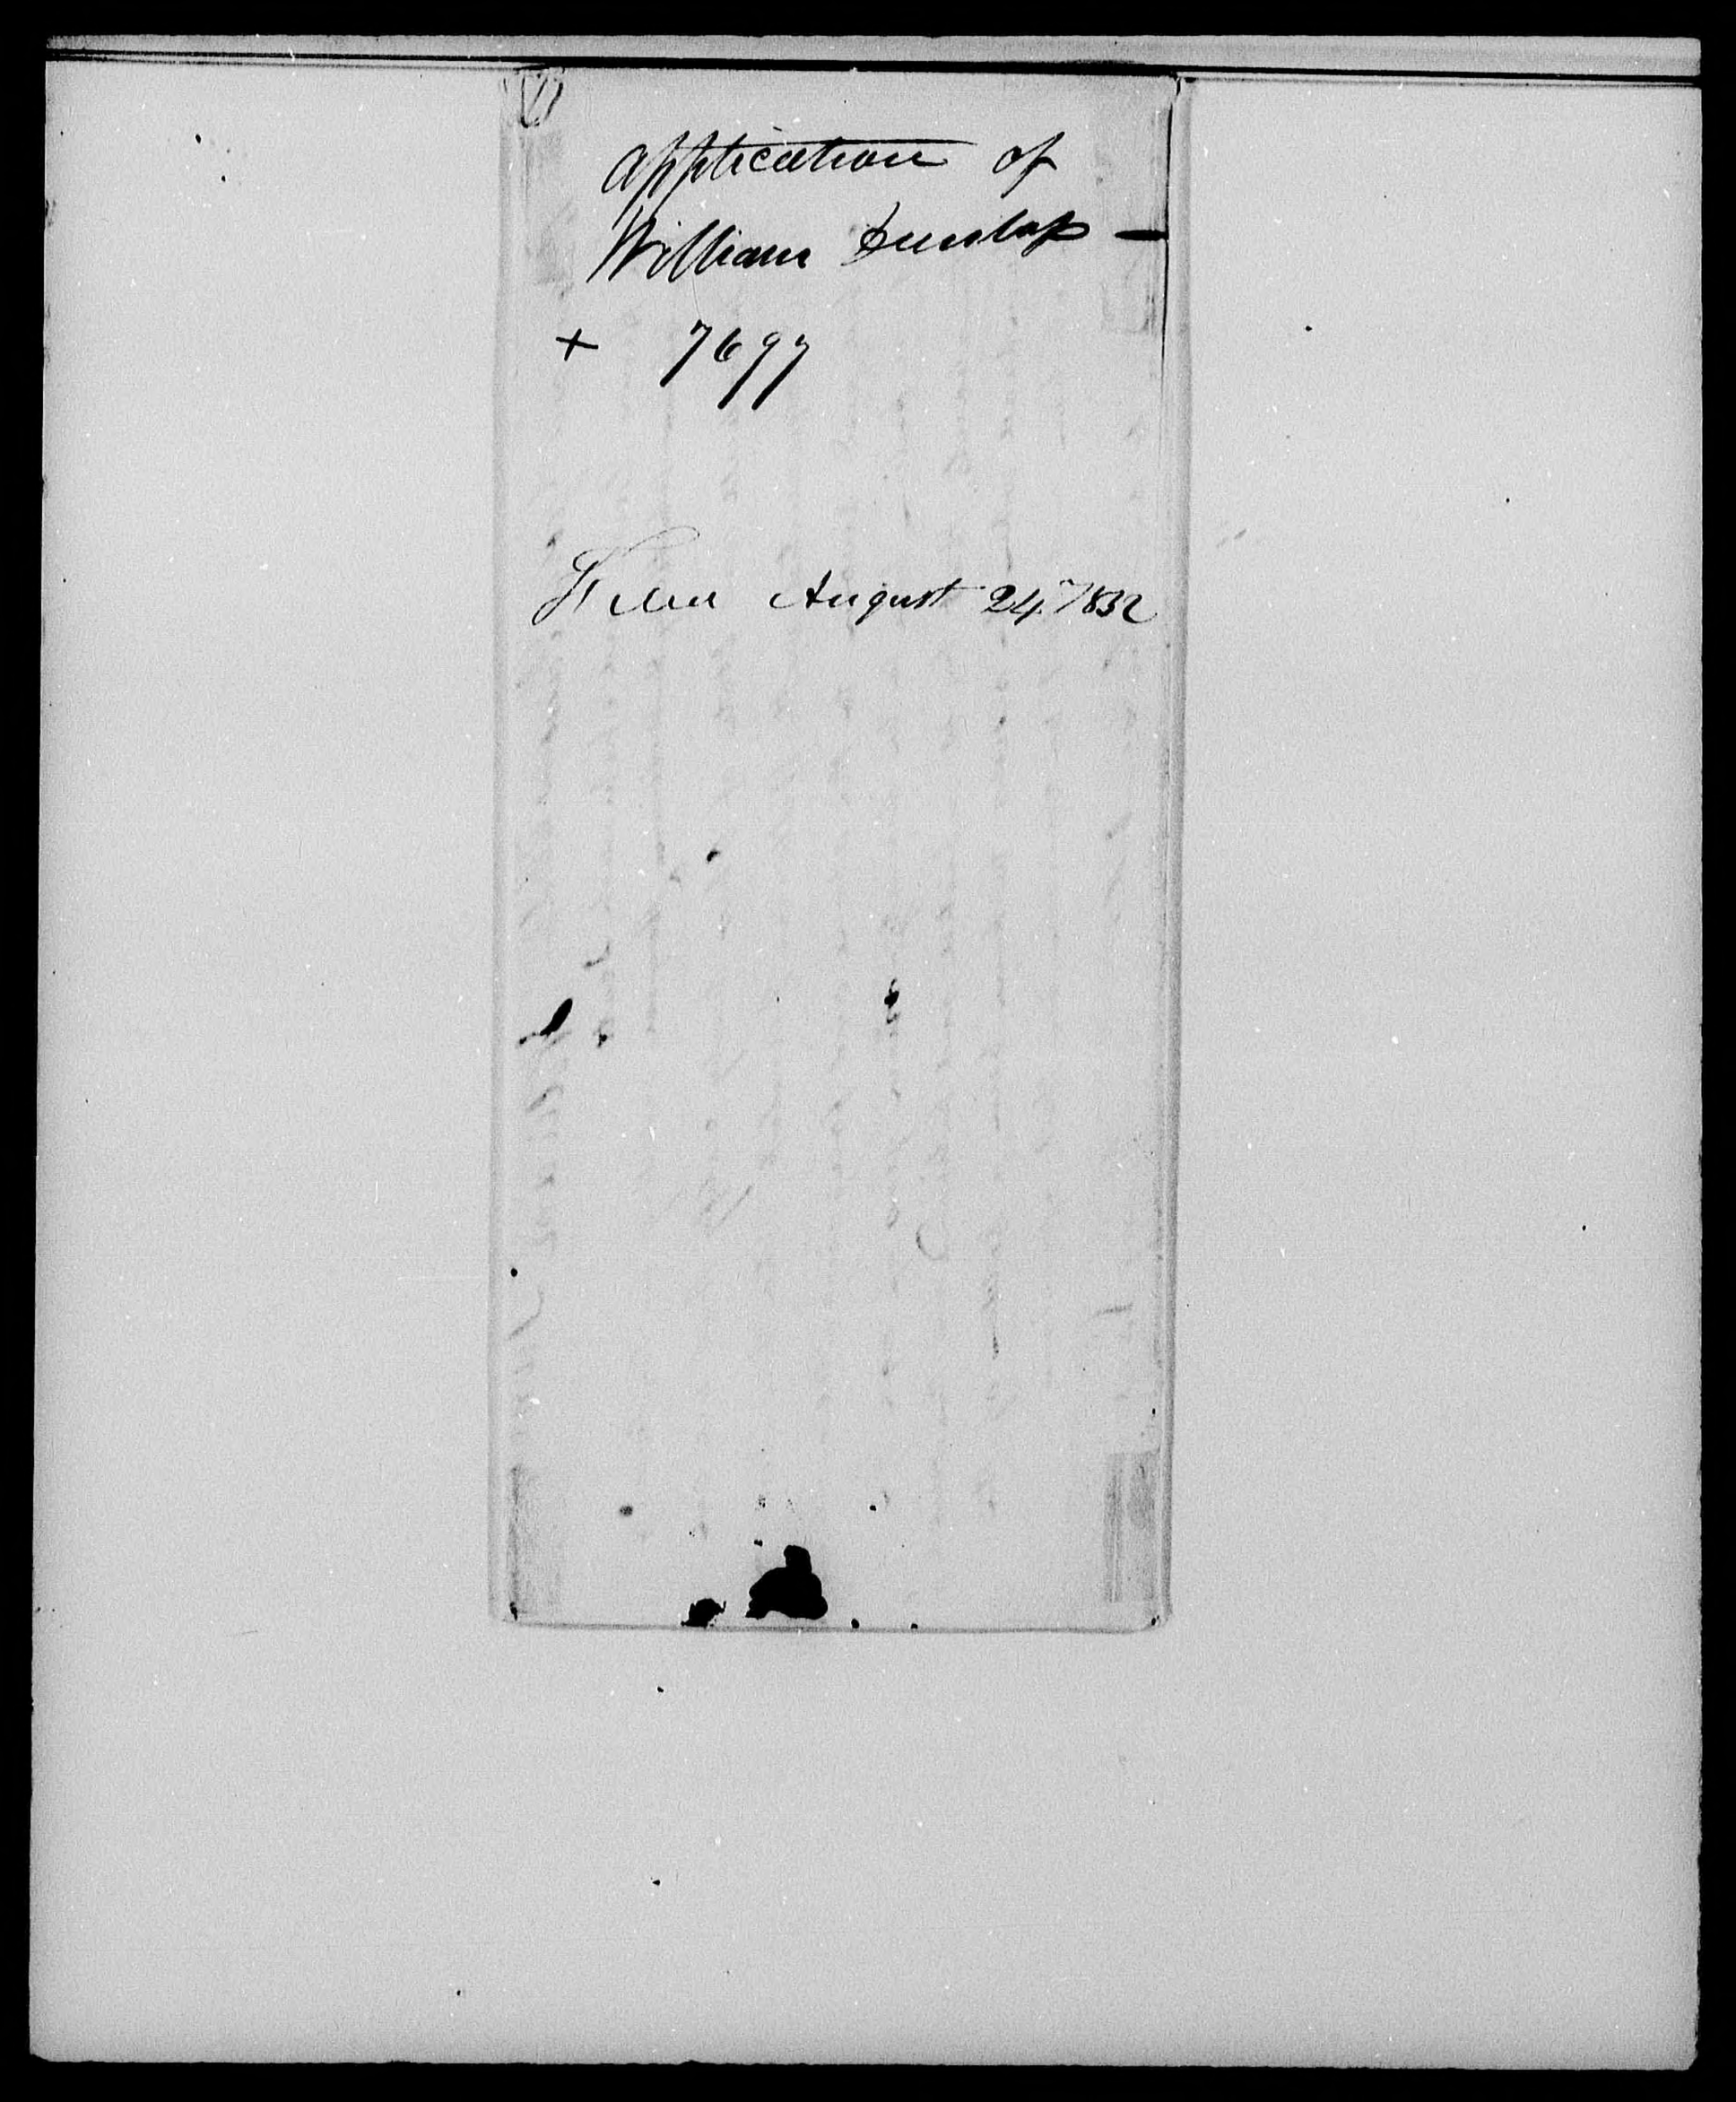application
of
William
Dunlap -
+ 7697
Filed August 24 1832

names: William Dunlap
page: 3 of 24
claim: survivor's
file: S. 15,415, William Dunlap, Penn.